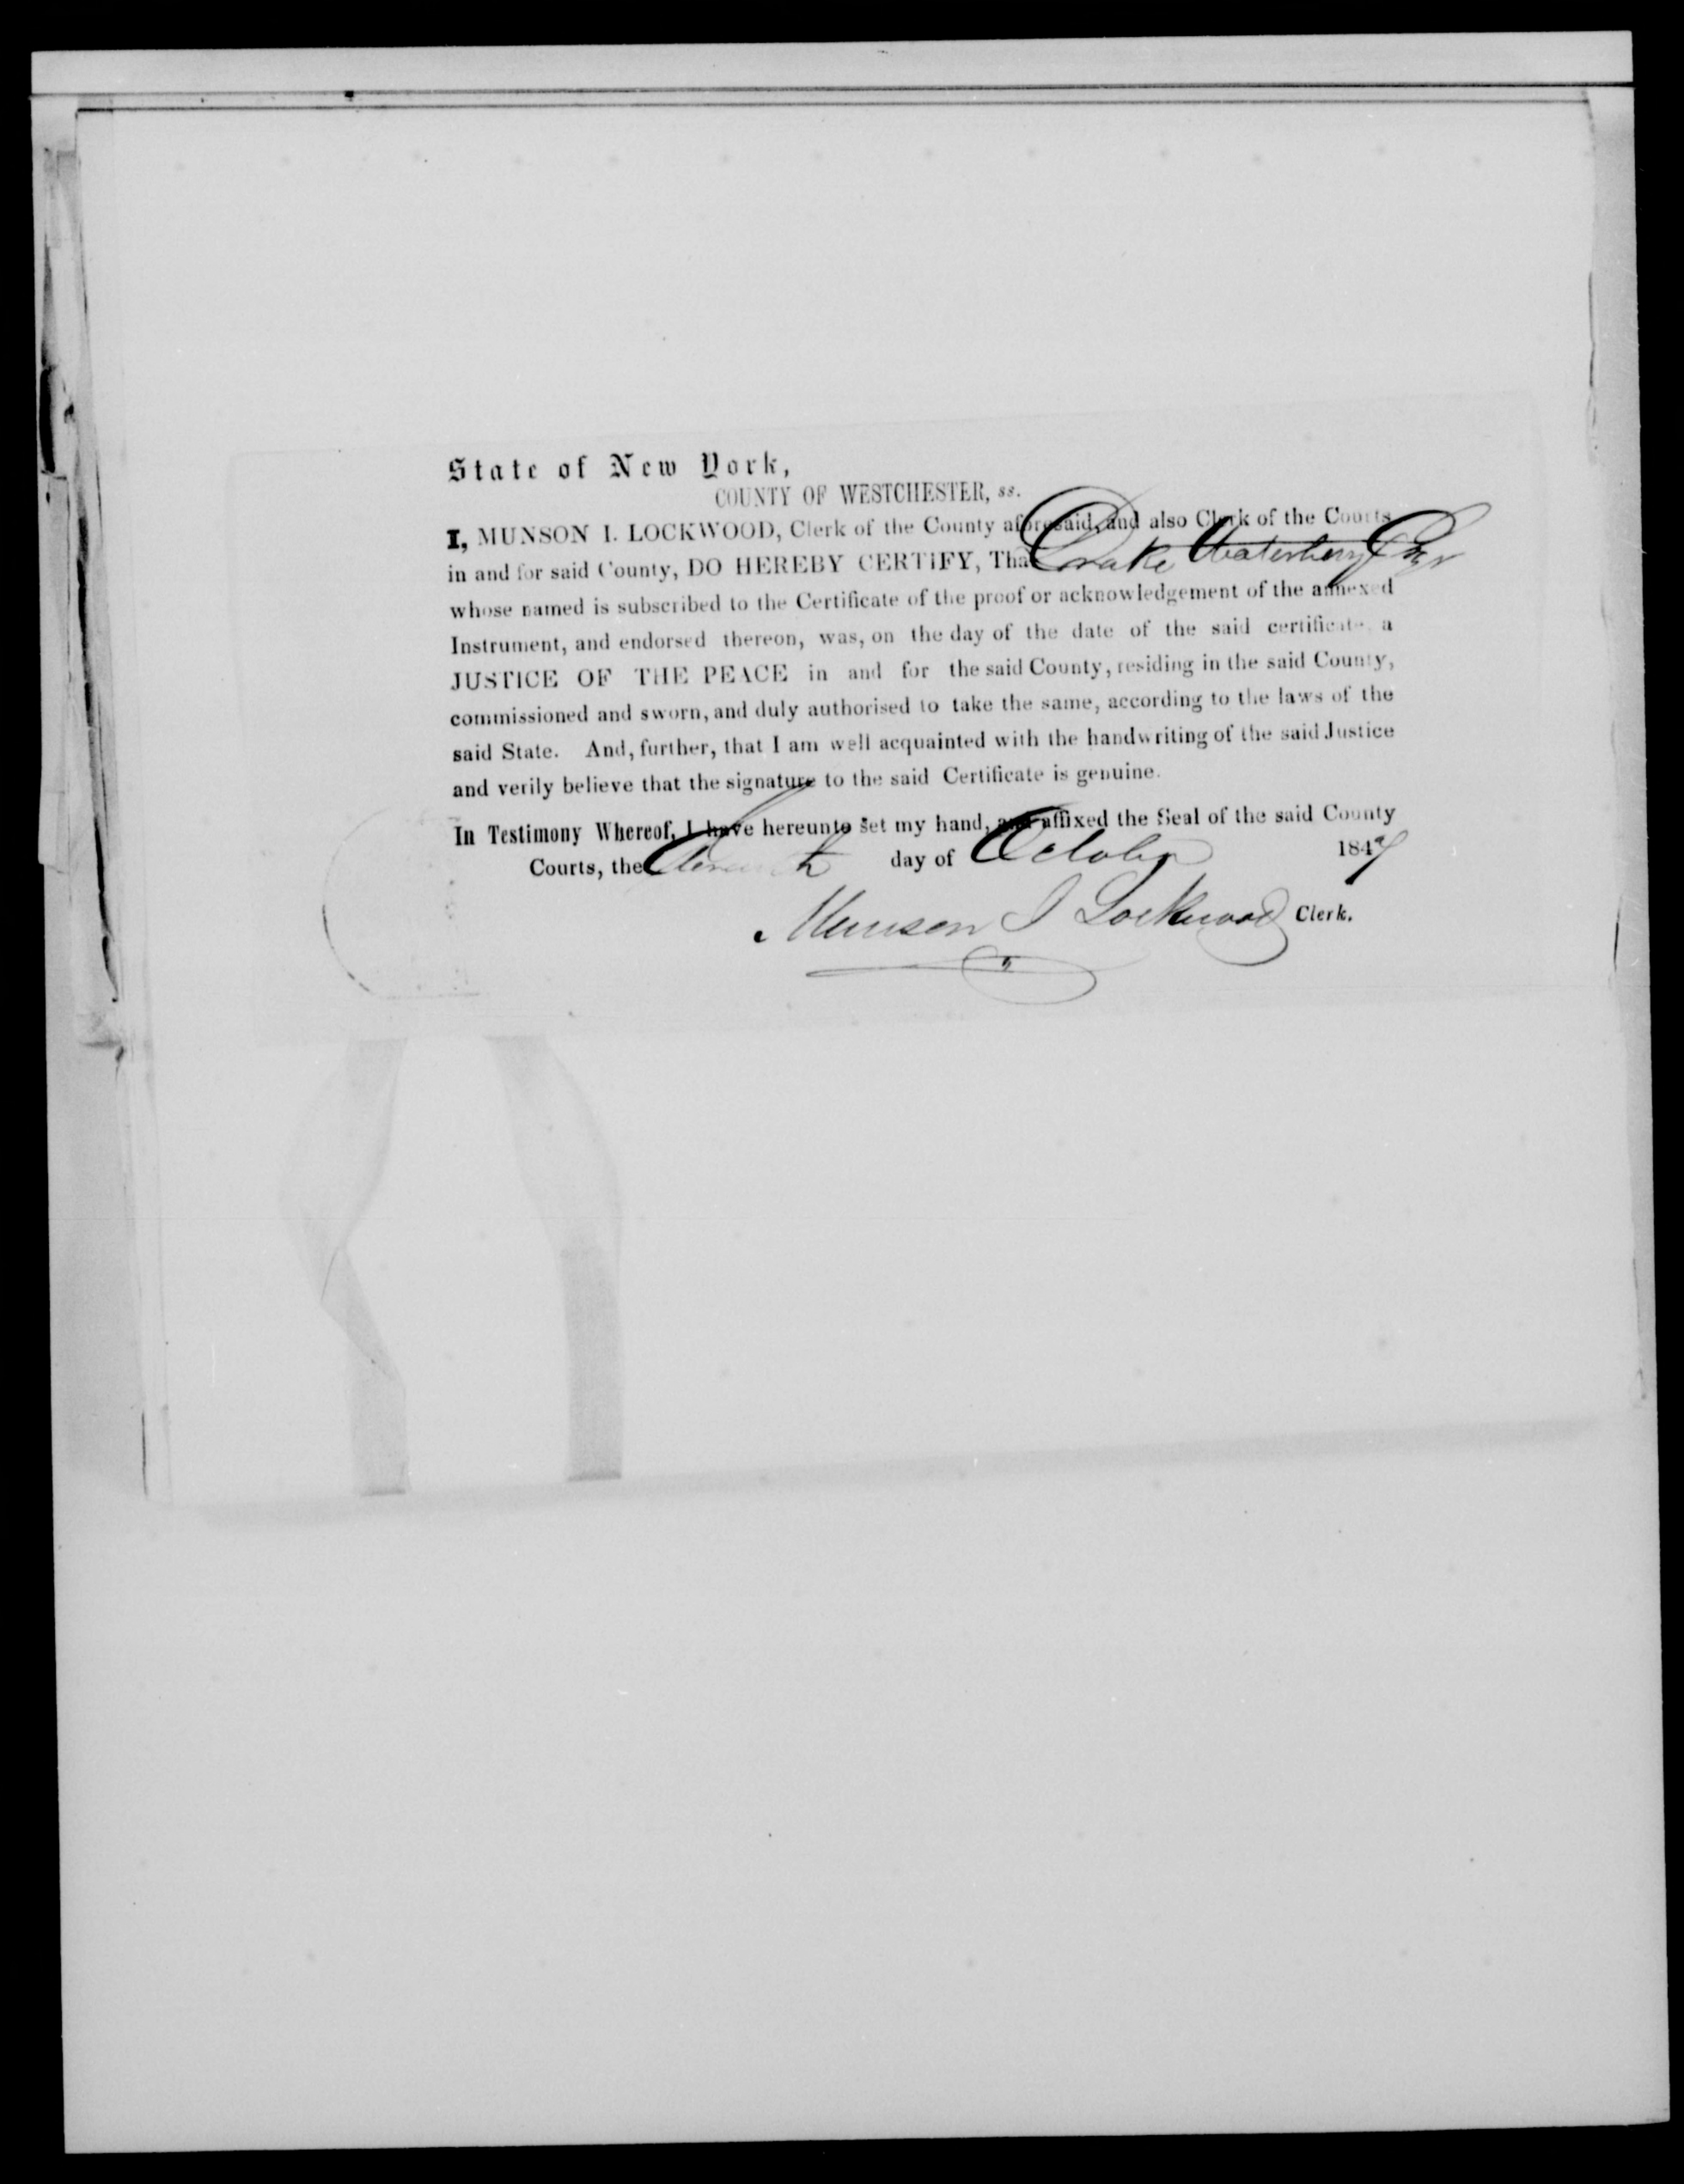State of New York, 
COUNTY OF WESTCHESTER, ss.

I, MUNSON I. LOCKWOOD, Clerk of the County aforesaid, and also Clerk of the Courts in and for said County, DO HEREBY CERTIFY, That Drake Waterbury Esq whose name is subscribed to the Certificate of the proof or acknowledgement of the annexed Instrument, and endorsed thereon, was, on the day of the date of the said certificate, a JUSTICE OF THE PEACE in and for the said County, residing in the said County, commissioned and sworn, and duly authorised to take the same, according to the laws of the said State.  And, further, that I am well acquainted with the handwriting of the said Justice and verily believe that the signature to the said Certificate is genuine.  

In Testimony Whereof, I have hereunto set my hand, and affixed the Seal of the said County Courts, the [?] day of October 1847

Munson I Lockwood Clerk.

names: Drake Waterbery; Munson I Lockwood; Munson I Lockwood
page: 18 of 77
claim: survivor's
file: S. 23003, for Silas Southerland, New York